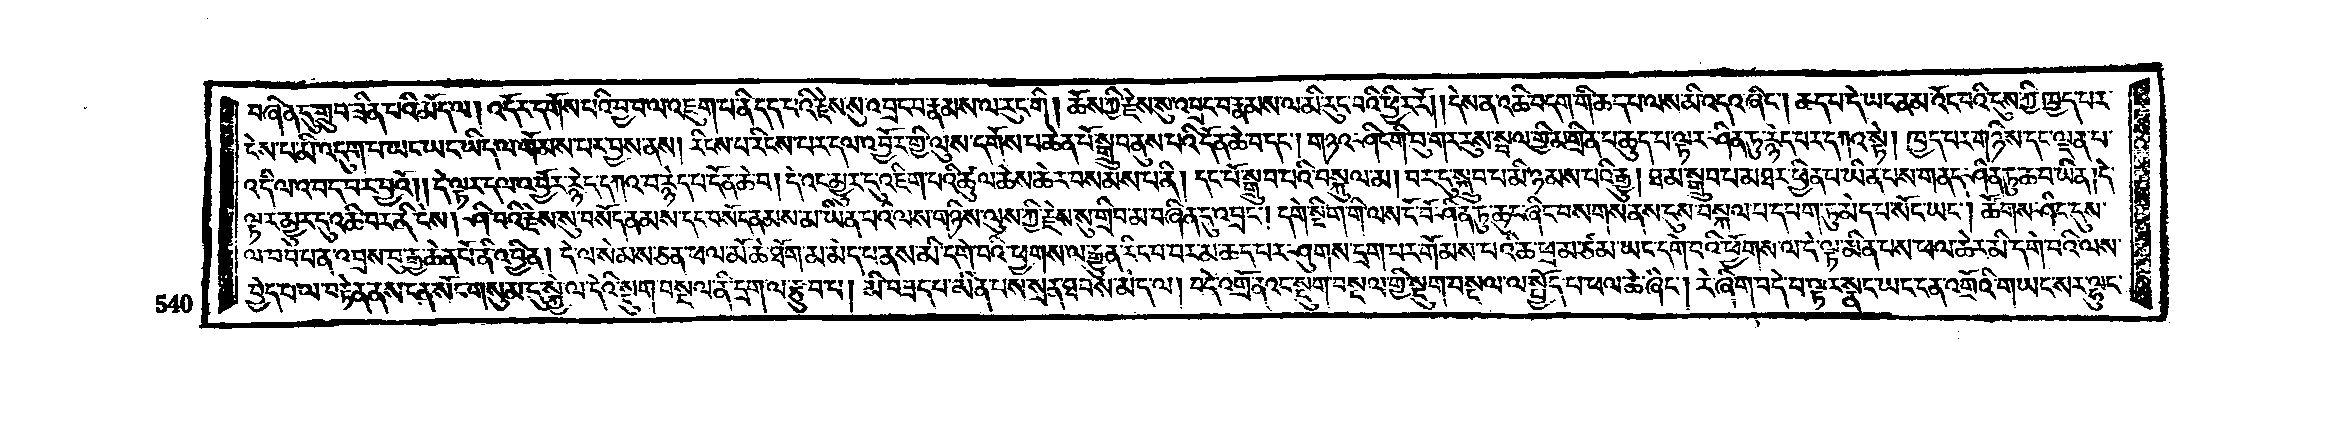བཞིན་དུ་གྲུབ་ཟིན་པའི་མོད་ལ། འདོར་དགོས་པའི་བྱ་བ་ལ་འཇུག་པ་ནི་དད་པའི་རྗེས་སུ་འབྲང་བ་རྣམས་ལ་རུང་གི །ཆོས་ཀྱི་རྗེས་སུ་འབྲང་བ་རྣམས་ལ་མི་རུང་བའི་ཕྱིར་རོ། །དེས་ན་འཆི་བདག་གི་ཆད་པ་ལས་མི་འདའ་ཞིང་། ཆད་པ་དེ་ཡང་ནམ་འོང་བའི་དུས་ཀྱི་ཁྱད་པར་
ངེས་པ་མི་འདུག་པ་ཡང་ཡང་ཡིད་ལ་གོམས་པར་བྱས་ནས། རིངས་པ་རིངས་པར་དལ་འབྱོར་གྱི་ལུས་དགོས་པ་ཆེན་པོ་སྒྲུབ་ནུས་པའི་དོན་ཆེ་བ་དང་། གཉའ་ཤིང་གི་བུ་གར་རུས་སྦལ་གྱི་མགྲིན་པ་ཆུད་པ་ལྟར་ཤིན་ཏུ་རྙེད་པར་དཀའ་སྟེ། ཁྱད་པར་གཉིས་དང་ལྡན་པ་
འདི་ལ་འབད་པར་བྱའོ། །དེ་ལྟར་དལ་འབྱོར་རྙེད་དཀའ་བ་རྙེད་པ་དོན་ཆེ་བ། དེ་འང་མྱུར་དུ་འཇིག་པའི་ཚུལ་ཆེས་ཆེར་བསམས་པ་ནི། དང་པོ་སྒྲུབ་པའི་བསྐུལ་མ། བར་དུ་སྒྲུབ་པ་མི་ཉམས་པའི་རྒྱུ། ཐ་མ་སྒྲུབ་པ་མཐར་ཕྱིན་པ་ཡིན་པས་གནད་ཤིན་ཏུ་ཆ་བ་ཡིན། དེ་
ལྟར་མྱུར་དུ་འཆི་བར་ནི་ངེས། ཤི་བའི་རྗེས་སུ་བསོད་ནམས་དང་བསོད་ནམས་མ་ཡིན་པའི་ལས་གཉིས་ལུས་ཀྱི་རྗེས་སུ་གྲིབ་མ་བཞིན་དུ་འབྲང་། དགེ་སྡིག་གི་ལས་ངོ་བོ་ཤིན་ཏུ་ཆུང་ཞིང་བསགས་ནས་དུས་བསྐལ་པ་དཔག་ཏུ་མེད་པ་སོང་ཡང་། ཚོགས་ཤིང་དུས་
ལ་བབ་པ་ན་འབྲས་བུ་རྒྱ་ཆེན་པོ་ནི་འབྱིན། དེ་ལ་སེམས་ཅན་ཕལ་མོ་ཆེ་ཐོག་མ་མེད་པ་ནས་མི་དགེ་བའི་ཕྱོགས་ལ་རྒྱུན་རིང་བ་བར་མ་ཆད་པར་ཤུགས་དྲག་པར་གོམས་པའི་ཆ་ཕྲ་མ་ཙམ་ཡང་དགེ་བའི་ཕྱོགས་ལ་དེ་ལྟ་མིན་པས་ཕལ་ཆེར་མི་དགེ་བའི་ལས་
བྱེད་པ་ལ་བརྟེན་ནས་ངན་སོང་གསུམ་དུ་སྐྱེལ་དེའི་སྡུག་བསྔལ་ནི་དྲག་ལ་རྩུབ་པ། མི་བཟད་པ་ཡིན་པས་སྲན་ཐབས་མེད་ལ། བདེ་འགྲོ་ནའང་སྡུག་བསྔལ་གྱི་སྡུག་བསྔལ་ལ་སྤྱོད་པ་ཕལ་ཆེ་ཞིང་། རེ་ཞིག་བདེ་བ་ལྟར་སྣང་ཡང་ངན་འགྲོའི་གཡང་སར་ལྷུང་